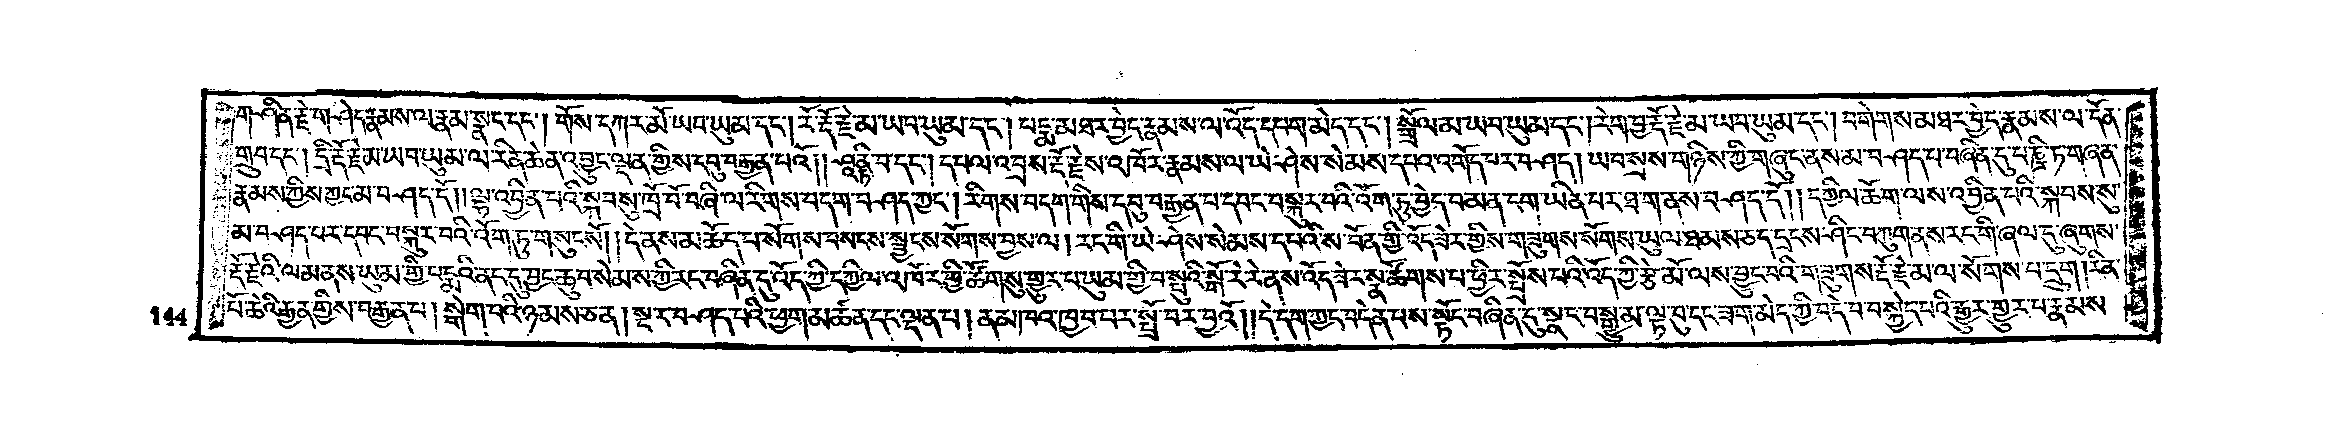གཤིན་རྗེ་གཤེད་རྣམས་ལ་རྣམ་སྣང་དང་། གོས་དཀར་མོ་ཡབ་ཡུམ་དང་། རོ་རྡོ་རྗེ་མ་ཡབ་ཡུམ་དང་། པདམ་མཐར་བྱེད་རྣམས་ལ་འོད་དཔག་མེད་དང་། སྒྲོལ་མ་ཡབ་ཡུམ་དང་། རེག་བྱ་རྡོ་རྗེ་མ་ཡབ་ཡུམ་དང་། བགེགས་མཐར་བྱེད་རྣམས་ལ་དོན་
གྲུབ་དང་། དྲི་རྡོ་རྗེ་མ་ཡབ་ཡུམ་ལ་རིན་ཆེན་འབྱུང་ལྡན་གྱིས་དབུ་བརྒྱན་པའོ། །ཤཱནྟི་བ་དང་། དཔལ་འབྲས་རྡོ་རྗེས་འཁོར་རྣམས་ལ་ཡེ་ཤེས་སེམས་དཔའ་འགོད་པར་བཤད། ཡབ་སྲས་གཉིས་ཀྱི་གཞུང་ནས་མ་བཤད་པ་བཞིན་དུ་པཎྜི་ཏ་གཞན་
རྣམས་ཀྱིས་ཀྱང་མ་བཤད་དོ། །ལྷ་འབྱིན་པའི་སྐབས་སུ་ཁྲོ་བོ་བཞི་ལ་རིགས་བདག་བཤད་ཀྱང་། རིགས་བདག་གིས་དབུ་བརྒྱན་པ་དབང་བསྐུར་བའི་འོག་ཏུ་བྱེད་བ་མན་ངག་ཡིན་པར་ཐ་ག་ནས་བཤད་དོ། །དཀྱིལ་ཆོག་ལས་འབྱིན་པའི་སྐབས་སུ་
མ་བཤད་པར་དབང་བསྐུར་བའི་འོག་ཏུ་གསུངས་སོ། །དེ་ནས་མཆོད་པ་སོགས་བསངས་སྦྱངས་སོགས་བྱས་ལ། རང་གི་ཡེ་ཤེས་སེམས་དཔའི་ས་བོན་གྱི་འོད་ཟེར་གྱིས་གཟུགས་སོགས་ཡུལ་ཐམས་ཅད་དྲངས་ཤིང་བཀུག་ནས་རང་གི་ཞལ་དུ་ཞུགས་
རྡོ་རྗེའི་ལམ་ནས་ཡུམ་གྱི་པདམའི་ནང་དུ་བྱང་ཆུབ་སེམས་ཀྱི་རང་བཞིན་དུ་འོད་ཀྱི་དཀྱིལ་འཁོར་གྱི་ཚོགས་སུ་གྱུར་པ་ཡུམ་གྱི་བ་སྤུའི་སྒོ་རེ་རེ་ནས་འོད་ཟེར་སྣ་ཚོགས་པ་ཕྱིར་སྤྲོས་པའི་འོད་ཀྱི་རྩེ་མོ་ལས་བྱུང་བའི་གཟུགས་རྡོ་རྗེ་མ་ལ་སོགས་པ་དྲུག །རིན་
པོ་ཆེའི་རྒྱན་གྱིས་བརྒྱན་པ། སྒེག་པའི་ཉམས་ཅན། སྔར་བཤད་པའི་ཕྱག་མཚན་དང་ལྡན་པ། ནམ་མཁའ་ཁྱབ་པར་སྤྲོ་བར་བྱའོ། །དེ་དག་ཀྱང་བདེན་པས་སྟོང་བཞིན་དུ་སྣང་བ་སྒྱུ་མ་ལྟ་བུ་དང་ཟག་མེད་ཀྱི་བདེ་བ་བསྐྱེད་པའི་རྒྱུར་གྱུར་པ་རྣམས་